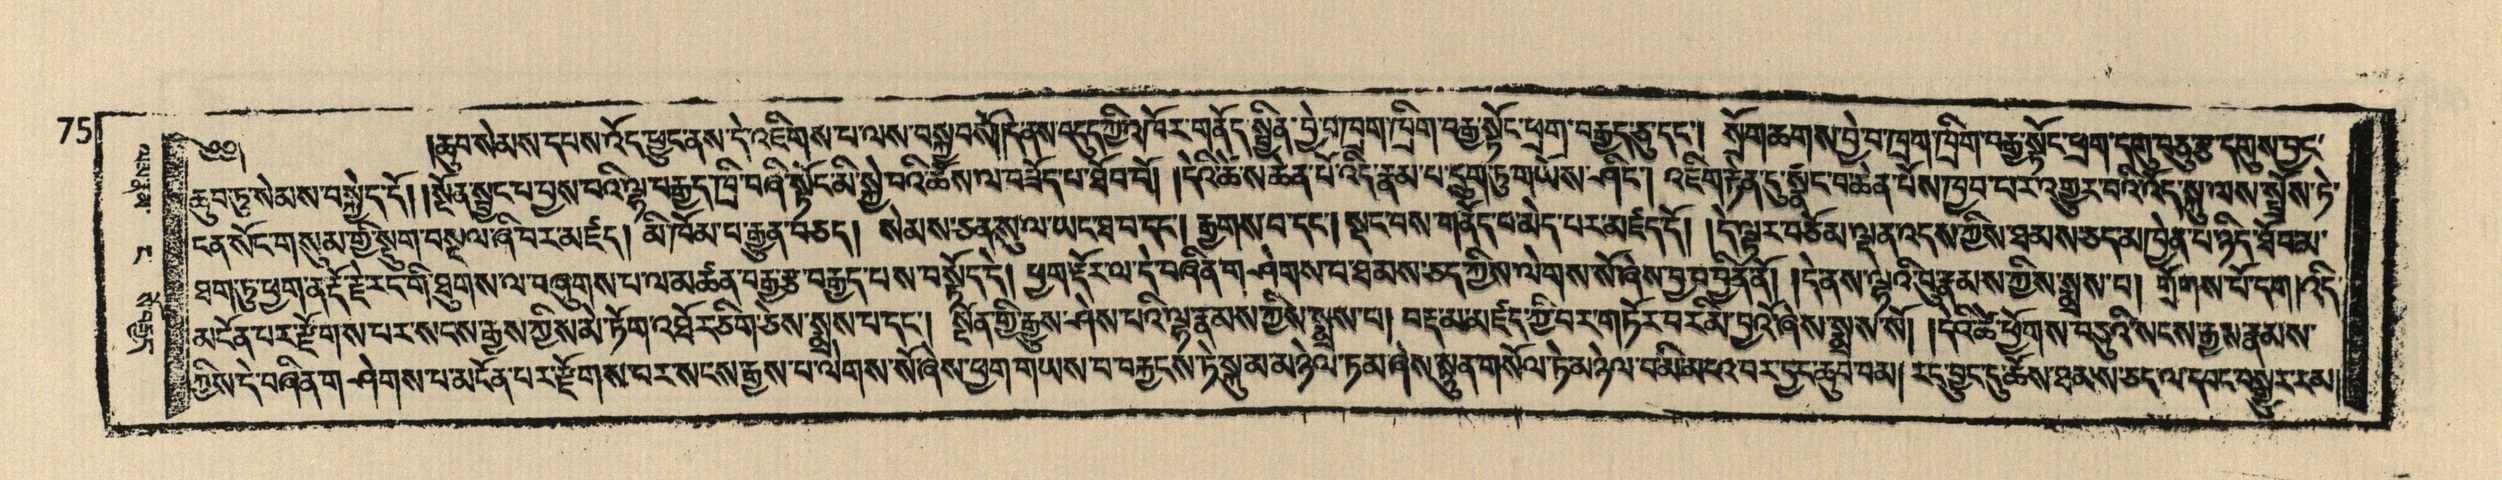༄༅། །ཆུབ་སེམས་དཔས་འོད་ཕྱུང་ནས་དེ་འཇིགས་པ་ལས་བསྐྱབ་སོ། །དེ་ནས་བདུད་ཀྱི་འཁོར་གནོད་སྦྱིན་བྱེ་བ་ཁྲག་ཁྲིག་བརྒྱ་སྟོང་ཕྲག་བརྒྱད་ཅུ་དང་། སྲོག་ཆགས་བྱེ་བ་ཁྲག་ཁྲིག་བརྒྱ་སྟོང་ཕྲག་དགུ་བཅུ་རྩ་དགུས་བྱང་
ཆུབ་ཏུ་སེམས་བསྐྱེད་དོ། །སྔོན་སྦྱང་པ་བྱས་པའི་ལྷ་བརྒྱད་ཁྲི་བཞི་སྟོང་མི་སྐྱེ་བའི་ཆོས་ལ་བཟོད་པ་ཐོབ་བོ། །དེའི་ཚེས་ཆེན་པོ་འདི་རྣམ་པ་དྲུག་ཏུ་གཡོས་ཤིང་། འཇིག་རྟེན་སུ་སྣང་བ་ཆེན་པོས་ཁྱབ་པར་འགྱུར་བའི་འོད་སྐུ་ལས་སྤྲོས་ཏེ་
ངན་སོང་གསུམ་གྱི་སྡུག་བསྔལ་ཞི་བར་མཛད། མི་ཁོམ་པ་རྒྱུན་བཅད། སེམས་ཅན་སུ་ལ་ཡང་ཐ་བ་དང་། རྒྱགས་བ་དང་། སྡང་བས་གནོད་བ་མེད་པར་མཛད་དོ། །དེ་ལྟར་བཅོམ་ལྡན་འདས་ཀྱིས་ཐམས་ཅད་མཁྱེན་པ་ཉིད་ཐོབ་མ་
ཐག་ཏུ་ཕྱག་ན་རྡོ་རྗེ་རང་གི་ཐུགས་ལ་བཞུགས་པ་ལ་མཚན་བརྒྱ་རྩ་བརྒྱད་པས་བསྟོད་དེ། ཕྱག་རྡོར་ལ་དེ་བཞིན་གཤེགས་པ་ཐམས་ཅད་ཀྱིས་ལེགས་སོ་ཞེས་བྱ་བ་བྱིན་ནོ། །དེ་ནས་ལྷའི་བུ་རྣམས་ཀྱིས་སྨྲས་པ། གྲོགས་པོ་དག །འདི་
མངོན་པར་རྫོགས་པར་སངས་རྒྱས་ཀྱིས་མེ་ཏོག་འཐོར་ཅིག་ཅེས་སྨྲས་པ་དང་། སྔོན་གྱི་རྒྱུས་ཤེས་པའི་ལྷ་རྣམས་ཀྱིས་སྨྲས་པ། བརྡ་མ་མཛད་ཀྱི་བར་གཏོར་བར་མི་བྱའོ་ཞེས་སྨྲས་སོ། །དེའི་ཚེ་ཕྱོགས་བཅུའི་སངས་རྒྱས་རྣམས་
ཀྱིས་དེ་བཞིན་གཤེགས་པ་མངོན་པར་རྫོགས་པར་སངས་རྒྱས་པ་ལེགས་སོ་ཞེས་ཕྱག་གཡས་པ་བརྐྱངས་ཏེ་སྐུ་མ་མཉེལ་ཏམ་ཞེས་སྙུན་གསོལ་ཏེ་མཉེལ་བ་མི་མངའ་བར་བྱང་ཆུབ་བམ། རང་བྱུང་དུ་ཆོས་ཐམས་ཅད་ལ་དབང་བསྒྱུར་རམ།